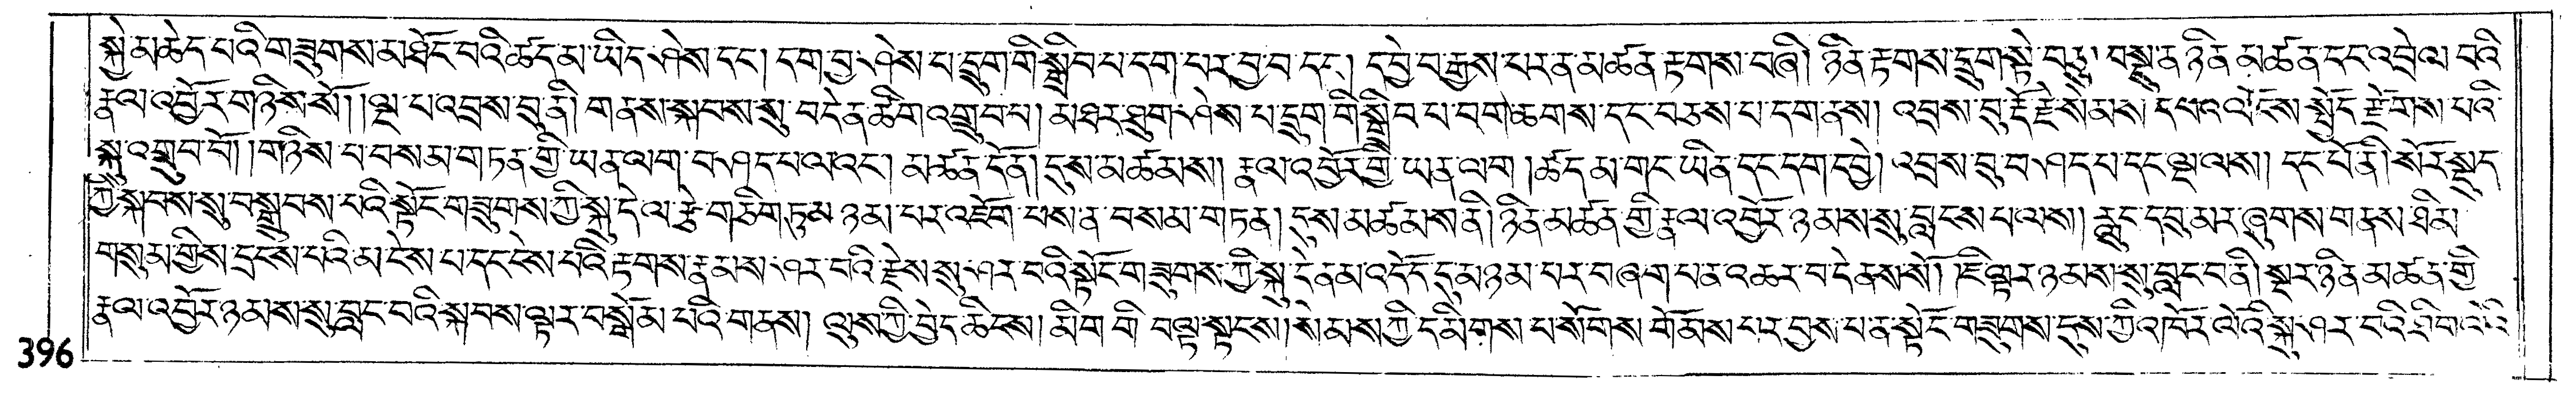སྐྱེ་མཆེད་པའི་གཟུགས་མཐོང་བའི་ཚད་མ་ཡིད་ཤེས་དང་། དག་བྱ་ཤེས་པ་དྲུག་གི་སྒྲིབ་པ་དག་པར་བྱ་བ་དང་། དབྱེ་བ་རྒྱས་པར་ན་མཚན་རྟགས་བཞི། ཉིན་རྟགས་དྲུག་སྟེ་བཅུ། བསྡུ་ན་ཉིན་མཚན་དང་འབྲེལ་བའི་
རྣལ་འབྱོར་གཉིས་སོ། །ལྔ་པ་འབྲས་བུ་ནི། གནས་སྐབས་སུ་བདེན་ཚིག་འགྲུབ་པ། མཐར་ཐུག་ཤེས་པ་དྲུག་གི་སྒྲིབ་པ་བག་ཆགས་དང་བཅས་པ་དག་ནས། འབྲས་བུ་རྡོ་རྗེ་སེམས་དཔའ་ལོངས་སྤྱོད་རྫོགས་པའི་
སྐུ་འགྲུབ་བོ། །གཉིས་པ་བསམ་གཏན་གྱི་ཡན་ལག་བཤད་པ་ལ་འང་། མཚན་དོན། དུས་མཚམས། རྣལ་འབྱོར་གྱི་ཡན་ལག །ཚད་མ་གང་ཡིན་དང་དག་དབྱེ། འབྲས་བུ་བཤད་པ་དང་ལྔ་ལས། དང་པོ་ནི། སོར་སྡུད་
ཀྱི་སྐབས་སུ་བསྒྲུབས་པའི་སྟོང་གཟུགས་ཀྱི་སྐུ་དེ་ལ་རྩེ་གཅིག་ཏུ་མཉམ་པར་འཇོག་པས་ན་བསམ་གཏན། དུས་མཚམས་ནི། ཉིན་མཚན་གྱི་རྣལ་འབྱོར་ཉམས་སུ་བླངས་པ་ལས། རླུང་དབུ་མར་ཞུགས་གནས་ཐིམ་
གསུམ་གྱིས་དྲངས་པའི་མ་ངེས་པ་དང་ངེས་པའི་རྟགས་རྣམས་ཤར་བའི་རྗེས་སུ་ཤར་བའི་སྟོང་གཟུགས་ཀྱི་སྐུ་དེ་ནམ་འདོད་དུ་མཉམ་པར་བཞག་པ་ན་འཆར་བ་དེ་ནས་སོ། །ཇི་ལྟར་ཉམས་སུ་བླང་བ་ནི། སྔར་ཉིན་མཚན་གྱི་
རྣལ་འབྱོར་ཉམས་སུ་བླང་བའི་སྐབས་ལྟར་བསྒོམ་པའི་གནས། ལུས་ཀྱི་བྱེད་ཆིངས། མིག་གི་བལྟ་སྟངས། སེམས་ཀྱི་དམིགས་པ་སོགས་གོམས་པར་བྱས་པ་ན་སྟོང་གཟུགས་དུས་ཀྱི་འཁོར་ལོའི་སྐུ་ཤར་བའི་ཐིག་ལེའི་